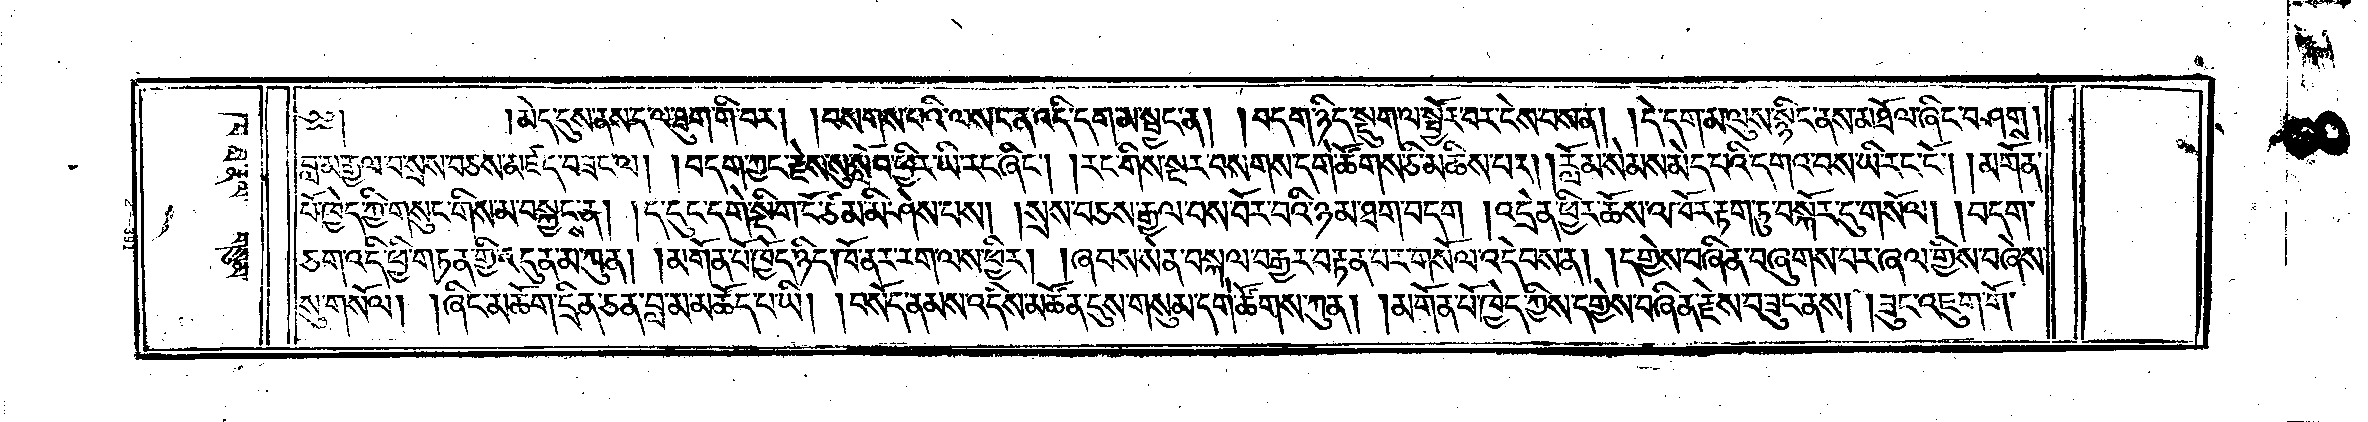༄༅། །མེད་དུས་ནས་ད་ལ་ཐུག་གི་བར། །བསགས་པའི་ལས་ངན་འདི་དག་མ་སྦྱང་ན། །བདག་ཉིད་སྡུག་ལ་སྦྱོར་བར་ངེས་བས་ན། །དེ་དག་མ་ལུས་སྙིང་ནས་མཐོལ་ཞིང་བཤགས་།
བླ་མ་རྒྱལ་བ་སྲས་བཅས་མཛད་བཟང་ལ། །བདག་ཀྱང་རྗེས་སུ་སློབ་ཕྱིར་ཡི་རང་ཞིང་། །རང་གིས་སྔར་བསགས་དགེ་ཚོགས་ཅི་མཆིས་པར། །རློམ་སེམས་མེད་པའི་དགའ་བས་ཡི་རང་ངོ། །མགོན་
པོ་ཁྱེད་ཀྱི་གསུང་གིས་མ་བསྐྱངས་ན། །ད་དུང་དགེ་སྡིག་ངོ་ཙམ་མི་ཤེས་པས། །སྲས་བཅས་རྒྱལ་བས་བོར་བའི་ཉམ་ཐག་བདག །འདྲེན་ཕྱིར་ཆོས་འཁོར་རྟག་ཏུ་བསྐོར་དུ་གསོལ། །བདག་
ཅག་འདི་ཕྱི་གཏན་གྱི་འདུན་མ་ཀུན། །མགོན་པོ་ཁྱོད་ཉིད་ཁོ་ནར་རག་ལས་ཕྱིར། །ཞབས་སེན་བསྐལ་བརྒྱར་བརྟན་པར་གསོལ་འདེབས་ན། །དགྱེས་བཞིན་བཞུགས་པར་ཞལ་གྱིས་བཞེས་
སུ་གསོལ། །ཞིང་མཆོག་དྲིན་ཅན་བླ་མ་མཆོད་པ་ཡི། །བསོད་ནམས་འདིས་མཚོན་དུས་གསུམ་དགེ་ཚོགས་ཀུན། །མགོན་པོ་ཁྱེད་ཀྱིས་དགྱེས་བཞིན་རྗེས་བཟུང་ནས། །ཟུང་འཇུག་གོ་